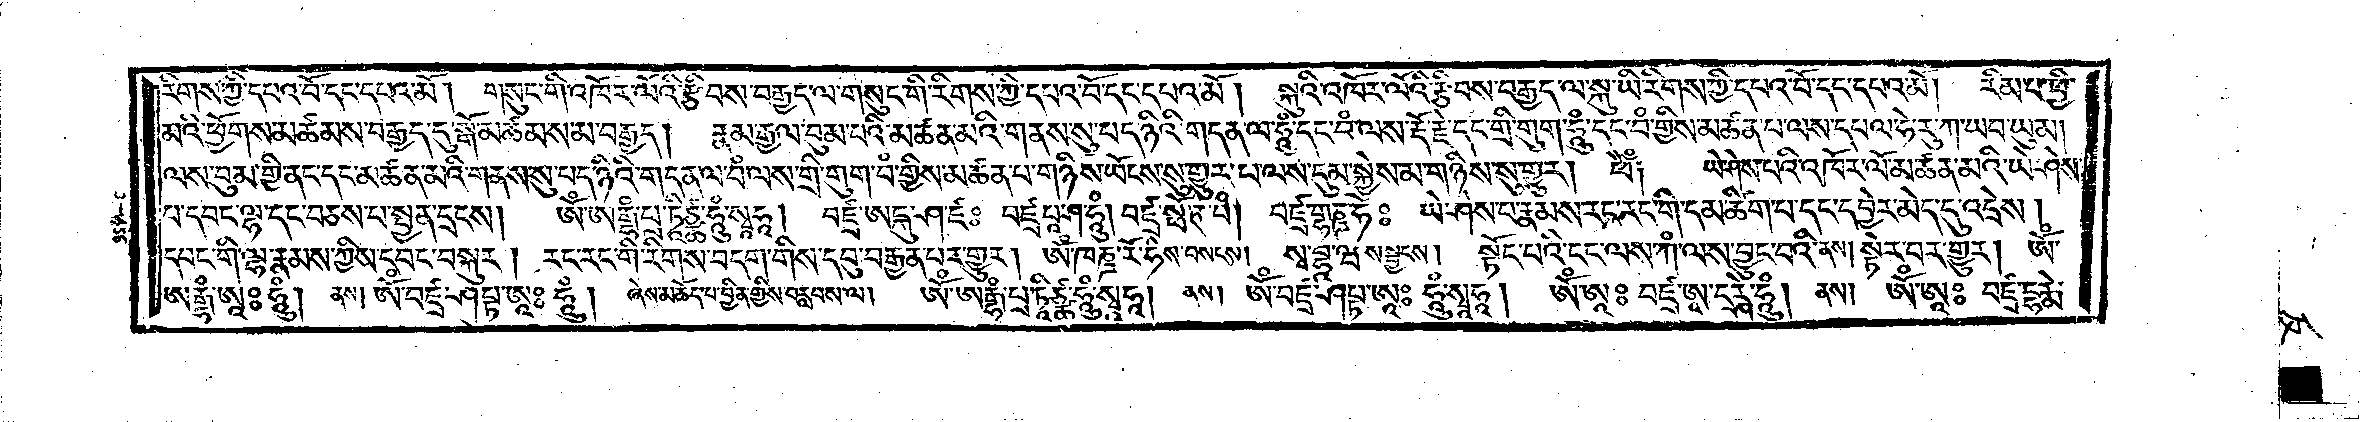རིགས་ཀྱི་དཔའ་བོ་དང་དཔའ་མོ། གསུང་གི་འཁོར་ལོའི་རྩིབས་བརྒྱད་ལ་གསུང་གི་རིགས་ཀྱི་དཔའ་བོ་དང་དཔའ་མོ། སྐུའི་འཁོར་ལོའི་རྩིབས་བརྒྱད་ལ་སྐུ་ཡི་རིགས་ཀྱི་དཔའ་བོ་དང་དཔའ་མོ། རིམ་པ་ཕྱི་
མའི་ཕྱོགས་མཚམས་བརྒྱད་དུ་སྒོ་མཚམས་མ་བརྒྱད། རྣམ་རྒྱལ་བུམ་པའི་མཚན་མའི་གནས་སུ་པད་ཉིའི་གདན་ལ་ཧཱུཾ་དང་བཾ་ལས་རྡོ་རྗེ་དང་གྲི་གུག་ཧཱུཾ་དང་བཾ་གྱིས་མཚན་པ་ལས་དཔལ་ཧེ་རུ་ཀ་ཡབ་ཡུམ།
ལས་བུམ་གྱི་ནང་དང་མཚན་མའི་གནས་སུ་པད་ཉིའི་གདན་ལ་བཾ་ལས་གྲི་གུག་བཾ་གྱིས་མཚན་པ་གཉིས་ཡོངས་སུ་གྱུར་པ་ལས་དུམ་སྐྱེས་མ་གཉིས་སུ་གྱུར། ཕཻ༑ ཡེ་ཤེས་པའི་འཁོར་ལོ་མཚན་མའི་ཡེ་ཤེས་
པ་དབང་ལྷ་དང་བཅས་པ་སྤྱན་དྲངས། ཨོཾ་ཨརྒྷཾ་པྲ་ཏཱིཙྪ་ཧཱུཾ་སྭཱཧཱ། བཛྲ་ཨངྐུ་ཤ་ཛཿབཛྲ་པཱུ་ཤ་ཧཱུཾ། བཛྲ་སྥོ་ཊ་བཾ། བཛྲ་གྷཎྜ་ཧོཿ ཡེ་ཤེས་པ་རྣམས་རང་རང་གི་དམ་ཚིག་པ་དང་དབྱེར་མེད་དུ་འདྲེས།
དབང་གི་ལྷ་རྣམས་ཀྱིས་དབང་བསྐུར། རང་རང་གི་རིགས་བདག་གིས་དབུ་བརྒྱན་པར་གྱུར། ཨོཾ་ཁཎྜ་རོ་ཧིས་བསངས།  སྭ་བྷཱ་ཝས་སྦྱངས།  སྟོང་པའི་ངང་ལས་ཀཾ་ལས་བྱུང་བའི་ནས།  སྟེར་བར་གྱུར། ཨོཾ་
ཨརྒྷཾ་ཨཱཿཧཱུཾ། ནས།  ཨོཾ་བཛྲ་ཤཔྟ་ཨཱཿཧཱུཾ། ཞེས་མཆོད་པ་བྱིན་གྱིས་བརླབས་ལ།  ཨོཾ་ཨརྒྷཾ་པྲ་ཏཱིཙྪ་ཧཱུཾ་སྭཱཧཱ། ནས་ཨོཾ་བཛྲ་ཤཔྟ་ཨཱཿཧཱུཾ་སྭཱཧཱ། ཨོཾ་ཨཱཿབཛྲ་ཨཱ་ཧཱུཾ་སྭཱཧཱ། ཨོཾ་ཨཱཿབཛྲ་ཨཱ་དརྴེ་ཧཱུཾ། ནས།  ཨོཾ་ཨཱཿབཛྲ་དྷརྨེ་